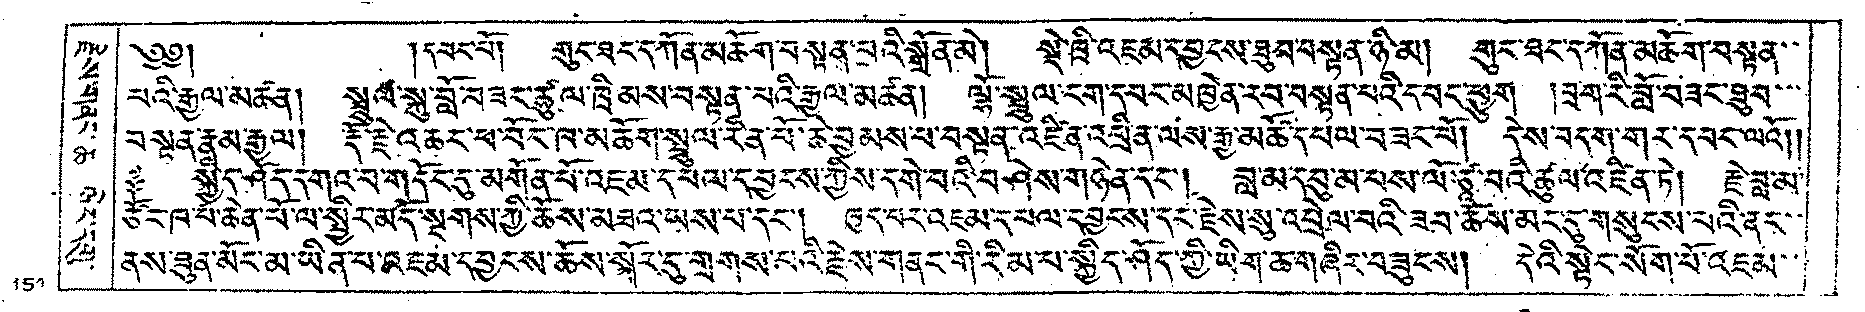༄༅། །དབང་པོ། གུང་ཐང་དཀོན་མཆོག་བསྟན་པའི་སྒྲོན་མེ། སྡེ་ཁྲི་འཇམ་དབྱངས་ཐུབ་བསྟན་ཉི་མ། གུང་ཐང་དཀོན་མཆོག་བསྟན་
པའི་རྒྱལ་མཚན། སྤྲུལ་སྐུ་བློ་བཟང་ཚུལ་ཁྲིམས་བསྟན་པའི་རྒྱལ་མཚན། ལྷོ་སྤྲུལ་ངག་དབང་མཁྱེན་རབ་བསྟན་པའི་དབང་ཕྱུག །བྲག་རི་བློ་བཟང་ཐུབ་
བསྟན་རྣམ་རྒྱལ། རྡོ་རྗེ་འཆང་ཕ་བོང་ཁ་མཆོག་སྤྲུལ་རིན་པོ་ཆེ་བྱམས་པ་བསྟན་འཛིན་འཕྲིན་ལས་རྒྱ་མཚོ་དཔལ་བཟང་པོ། དེས་བདག་གར་དབང་ལའོ།།
༈ སྐྱིད་ཤོད་དགའ་བ་གདོང་དུ་མགོན་པོ་འཇམ་དཔལ་དབྱངས་ཀྱིས་དགེ་བའི་བཤེས་གཉེན་དང་། བླ་མ་དབུ་མ་པས་ལོ་ཙཱ་བའི་ཚུལ་འཛིན་ཏེ། རྗེ་བླ་མ་
ཙོང་ཁ་པ་ཆེན་པོ་ལ་སྤྱིར་མདོ་སྔགས་ཀྱི་ཆོས་མཐའ་ཡས་པ་དང་། ཁྱད་པར་འཇམ་དཔལ་དབྱངས་དང་རྗེས་སུ་འབྲེལ་བའི་ཟབ་ཆོས་མང་དུ་གསུངས་པའི་ནང་
ནས་ཐུན་མོང་མ་ཡིན་པ་འཇམ་དབྱངས་ཆོས་སྐོར་དུ་གྲགས་པའི་རྗེས་གནང་གི་རིམ་པ་སྐྱིད་ཤོད་ཀྱི་ཡིག་ཆ་གཞིར་བཟུངས། དེའི་སྟེང་སོག་པོ་འཇམ་